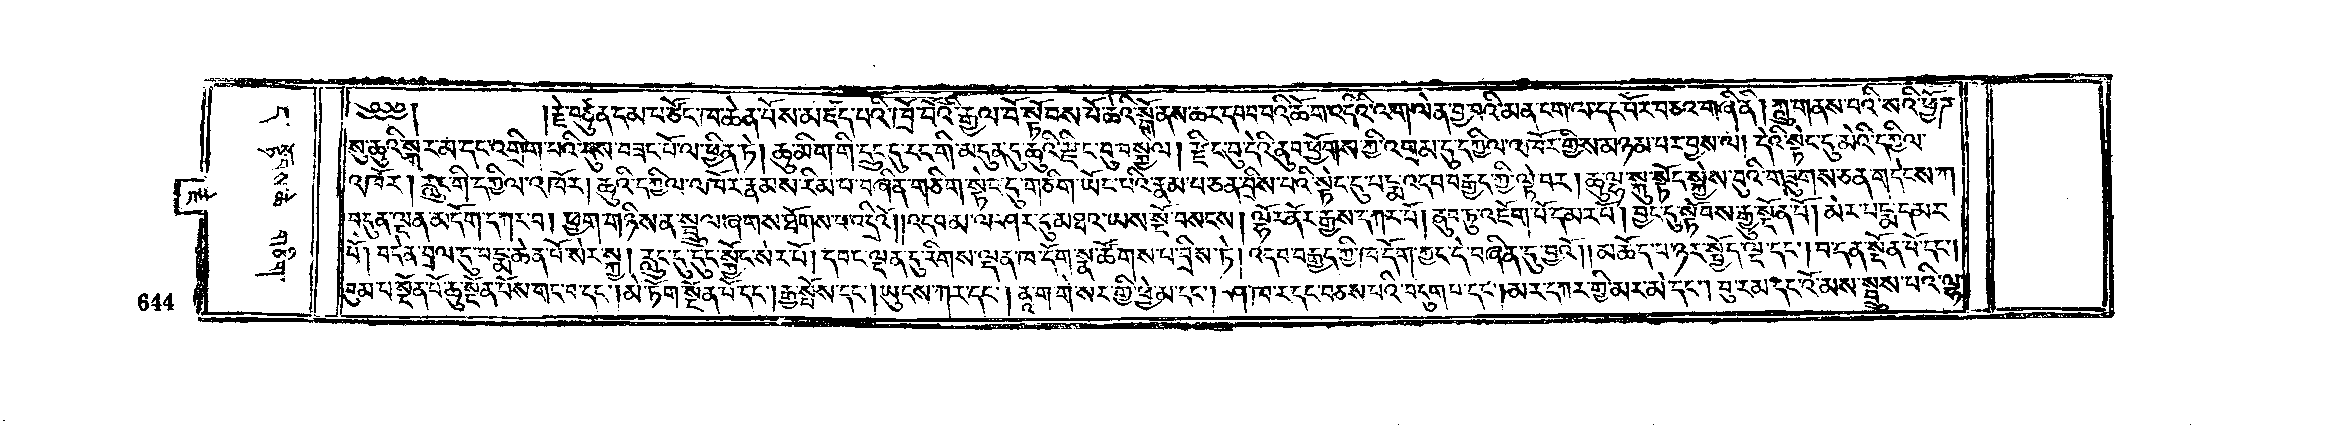༄༅༅། །རྗེ་བཙུན་དམ་པ་ཙོང་ཁ་ཆེན་པོས་མཛད་པའི་ཁྲོ་བོའི་རྒྱལ་བོ་སྟོབས་པོ་ཆེའི་སྒོ་ནས་ཆར་དབབ་པའི་ཆོ་ག་འདིའི་ལག་ལེན་བྱ་བའི་མན་ངག་ལ་དང་པོར་བཅའ་གཞི་ནི། ཀླུ་གནས་པའི་སའི་ཕྱོགས་
སུ་ཆུའི་སྐར་མ་དང་འགྲིག་པའི་དུས་བཟང་པོ་ལ་ཕྱིན་ཏེ། ཆུ་མིག་གི་དྲུང་དུ་རང་གི་མདུན་དུ་ཆུའི་རྫིང་བུ་བསྐྱེལ། རྫིང་བུ་དེའི་ནུབ་ཕྱོགས་ཀྱི་འགྲམ་དུ་དཀྱིལ་འཁོར་གྱིས་མཉམ་པར་བྱས་ལ། དེའི་སྟེང་དུ་མེའི་དཀྱིལ་
འཁོར། རླུང་གི་དཀྱིལ་འཁོར། ཆུའི་དཀྱིལ་འཁོར་རྣམས་རིམ་པ་བཞིན་གཅིག་སྟེང་དུ་གཅིག་ཡོང་བའི་རྣམ་པ་ཅན་བྲིས་པའི་སྟེང་དུ་པདམ་འདབ་བརྒྱད་ཀྱི་ལྟེ་བར། ཆུ་ལྷ་སྐུ་སྟོང་སྐྱེས་བུའི་གཟུགས་ཅན་གདེངས་ཀ་
བདུན་ལྡན་མདོག་དཀར་བ། ཕྱག་གཉིས་ན་སྦྲུལ་ཞགས་ཐོགས་པ་འདྲིའོ། །འདབ་མ་ལ་ཤར་དུ་མཐའ་ཡས་སྔོ་བསངས། ལྷོར་ནོར་རྒྱས་དཀར་པོ། ནུབ་ཏུ་འཇོག་པོ་དམར་པོ། བྱང་དུ་སྟོབས་རྒྱུ་སྔོན་པོ། མེར་པདམ་དམར་
པོ། བདེན་བྲལ་དུ་པདམ་ཆེན་པོ་སེར་སྐྱ། རླུང་དུ་དུང་སྐྱོང་སེར་པོ། དབང་ལྡན་དུ་རིགས་ལྡན་ཁ་དོག་སྣ་ཚོགས་པ་བྲིས་ཏེ། འདབ་བརྒྱད་ཀྱི་ཁ་དོག་ཀྱང་དེ་བཞིན་དུ་བྱའོ། །མཆོད་པ་ཉེར་སྤྱོད་ལྔ་དང་། བ་དན་སྔོན་པོ་དང་།
བུམ་པ་སྔོན་པོ་ཆུ་སྔོན་པོས་གང་བ་དང་། མེ་ཏོག་སྔོན་པོ་དང་། རྒྱ་སྤོས་དང་། ཡུངས་ཀར་དང་། ནཱ་ག་གེ་སར་གྱི་ཕྱེ་མ་དང་། ཤ་ཁ་ར་དང་བཅས་པའི་བདུག་པ་དང་། མར་དཀར་གྱི་མར་མེ་དང་། བུ་རམ་དང་འོ་མས་སྦྲུས་པའི་ལྷ་